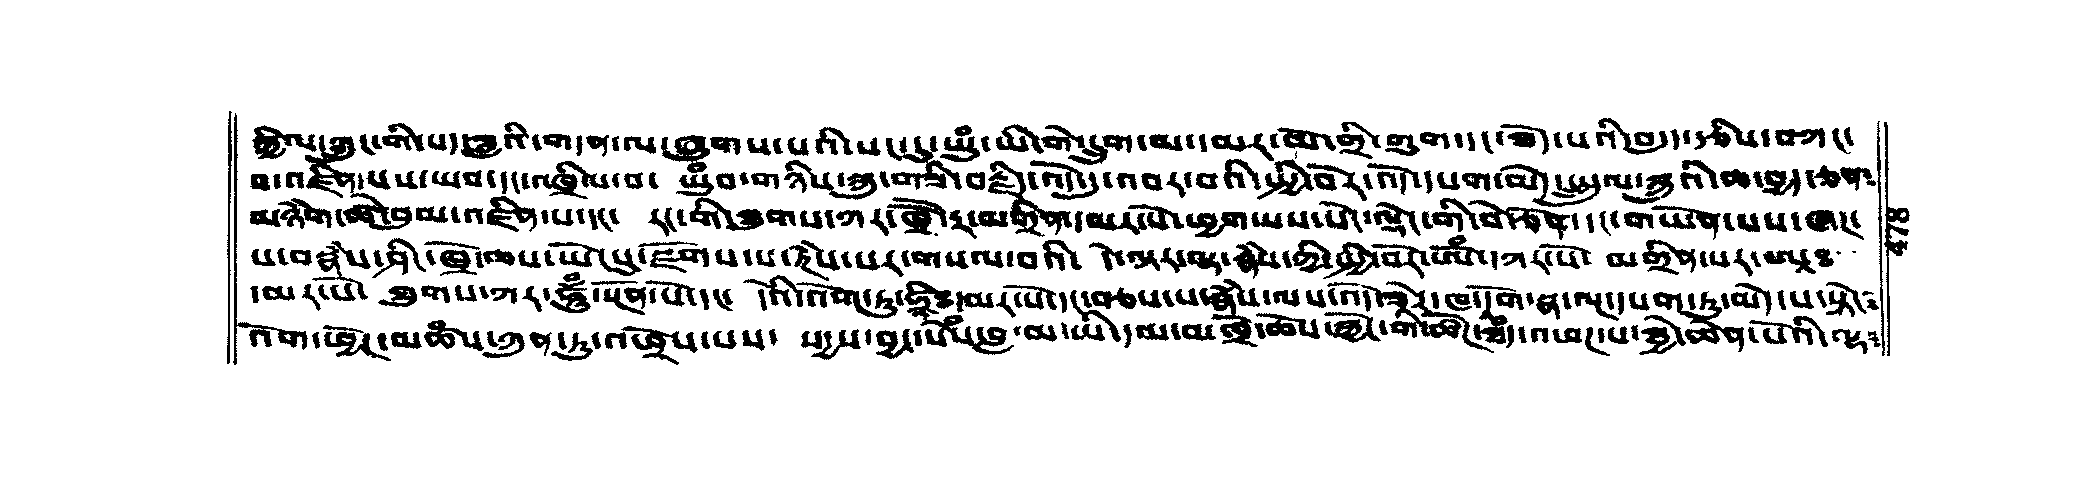སྐྱིལ་ཀྲུང་གི་པད་ཟླའི་གདན་ལ་ཞུགས་པའི་པང་དུ་ཡུམ་ཡི་གེ་དྲུག་མ་དམར་མོ་གྲི་གུག་དང་ཐོད་པའི་བདུད་རྩིས་བཀང་
བ་འཛིན་པས་ཡབ་ཡུམ་དང་འཁྲིལ་བ། ཡབ་ཡུམ་གཉིས་སྐུ་གཟི་བརྗིད་འོད་དུ་འབར་བའི་སྤྱི་བོར་འོད་དཔག་མེད་སྤྲུལ་སྐུའི་ཆ་བྱད་ཅན་
མཉམ་གཞག་ཚེ་བུམ་འཛིན་པ་དང་། རང་གི་ཐུགས་ཀར་ཁྲོ་བོ་རྟ་མགྲིན་དམར་པོ་ཕྱག་གཡས་སེང་ལྡེང་གི་བེ་ཅན་དང་གཡོན་པས་ཞགས་
པ་བསྣམས་ཤིང་ཁྲོ་ཆས་ཡོངས་སུ་རྫོགས་པ་རྔམས་པར་གསལ་བས། དེ་ལྟར་ལྷ་རྣམས་ཀྱི་སྤྱི་བོར་ཨོྂ་དཀར་པོ།མགྲིན་པར་ཨཱཿ
དམར་པོ། ཐུགས་ཀར་ཧཱུྂ་སྔོན་པོ་དང་། དེའི་འོག་ཏུ་ཧྲཱིཿདམར་པོ་དང་བཅས་པ་རྣམས་ལས་འོད་ཟེར་ཁ་དོག་སྣ་ལྔ་དཔག་ཏུ་མེད་པ་སྟེ་
འོག་ཕྱོགས་མཚམས་ཀུན་ཏུ་འཕྲོས་པས། སངས་རྒྱས་བྱང་སེམས་བླ་མ་ཡི་དམ་མཁའ་འགྲོ་ཆོས་སྐྱོང་གི་ཚོགས་ཐམས་ཅད་འཕགས་པ་ཐུགས་རྗེ་ཆེན་པོའི་ལྷ་